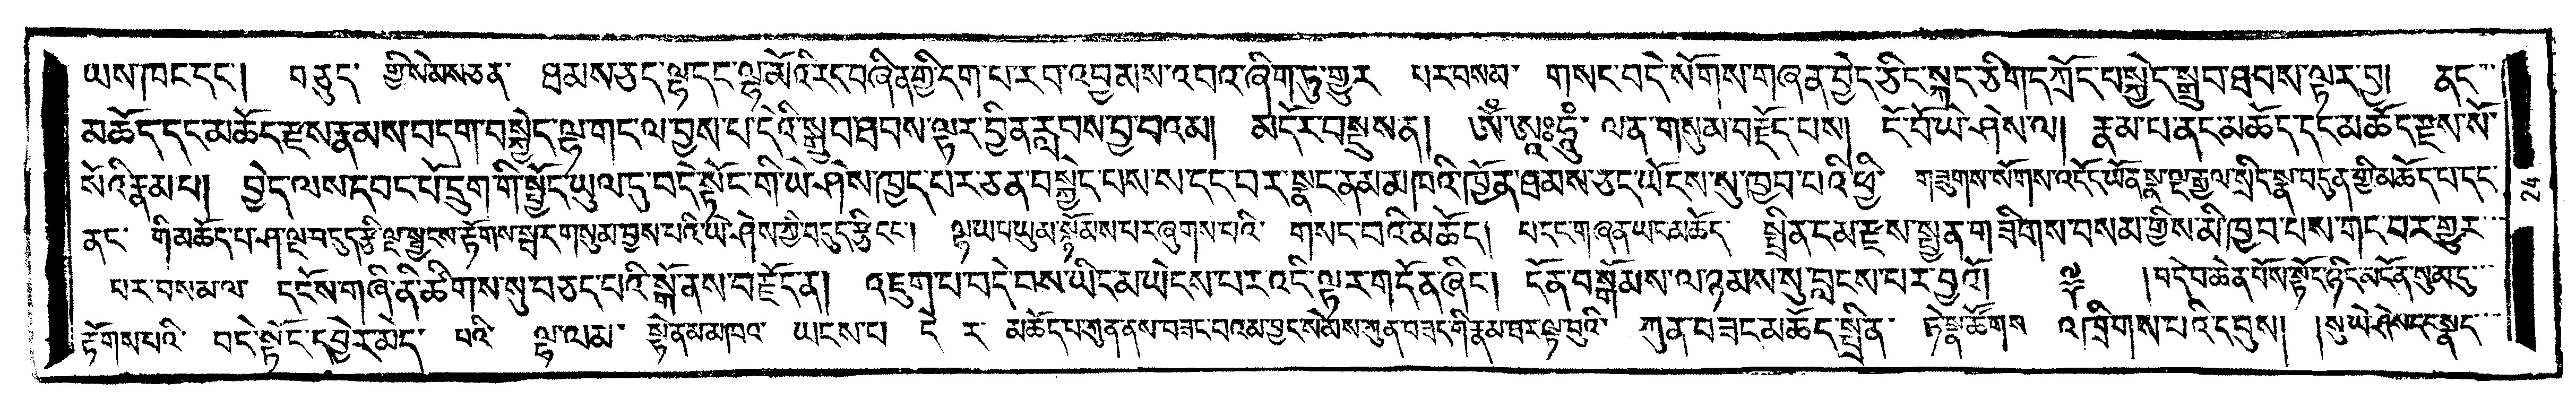ཡས་ཁང་དང་། བཅུད་གྱི་སེམས་ཅན་ཐམས་ཅད་ལྷ་དང་ལྷ་མོའི་རང་བཞིན་གྱི་དག་པ་རབ་འབྱམས་འབའ་ཞིག་ཏུ་གྱུར་པར་བསམ་གསང་བདེ་སོགས་གཞན་བྱེད་ཅིང་སྐད་ཅིག་དཀྲོང་པ་སྐྱེད་སྒྲུབ་ཐབས་ལྟར་བྱ། ནང་
མཆོད་དང་མཆོད་རྫས་རྣམས་བདག་བསྐྱེད་ལྷ་གང་ལ་བྱས་པ་དེའི་སྒྲུབ་ཐབས་ལྟར་བྱིན་རླབས་བྱ་བའམ། མདོར་བསྡུས་ན། ཨོཾ་ཨཱཿཧཱུཾ་ལན་གསུམ་བརྗོད་པས། ངོ་བོ་ཡེ་ཤེས་ལ། རྣམ་པ་ནང་མཆོད་དང་མཆོད་རྫས་སོ་
སོའི་རྣམ་པ། བྱེད་ལས་དབང་པོ་དྲུག་གི་སྤྱོད་ཡུལ་དུ་བདེ་སྟོང་གི་ཡེ་ཤེས་ཁྱད་པར་ཅན་བསྐྱེད་པས་ས་དང་བར་སྣང་ནམ་མཁའི་ཁྱོན་ཐམས་ཅད་ཡོངས་སུ་ཁྱབ་པའི་ཕྱི་གཟུགས་སོགས་འདོད་ཡོན་སྣ་ལྔ་རྒྱལ་སྲིད་སྣ་བདུན་གྱི་མཆོད་པ་དང་
ནང་གི་མཆོད་པ་ཤ་ལྔ་བདུད་རྩི་ལྔ་སྦྱངས་རྟོགས་སྤར་གསུམ་བྱས་པའི་ཡེ་ཤེས་ཀྱི་བདུད་རྩི་དང་། ལྷ་ཡབ་ཡུམ་སྙོམས་པར་ཞུགས་པའི་གསང་བའི་མཆོད། པ་དང་གཞན་ཡང་མཆོད་སྤྲིན་དམ་རྫས་སྤྱན་གཟིགས་བསམ་གྱིས་མི་ཁྱབ་པས་གང་བར་གྱུར་
པར་བསམ་ལ་དངོས་གཞི་ནི་ཚིགས་སུ་བཅད་པའི་སྒོ་ནས་བརྗོད་ན། འཇུག་པ་བདེ་བས་ཡི་དམ་ཡེངས་པར་འདི་ལྟར་གདོན་ཞིང་། དོན་བསྒོམས་ལ་ཉམས་སུ་བླངས་པར་བྱའོ། ༈ །བདེ་པ་ཆེན་པོས་སྟོང་ཉིད་མངོན་སུམ་དུ་
རྟོགས་པའི་བདེ་སྟོང་དབྱེར་མེད་པའི་ལྷ་ལམ་སྟེ་ནམ་མཁའ་ཡངས་པ་དེར་མཆོད་པ་ཀུན་ནས་བཟང་པའམ་བྱང་སེམས་ཀུན་བཟང་གི་རྣམ་ཐར་ལྟ་བུའི་ཀུན་བཟང་མཆོད་སྤྲིན་ཏེ་སྣ་ཚོགས་འཁྲིགས་པའི་དབུས། །སུ་ཡེ་ཤེས་དང་སྣང་